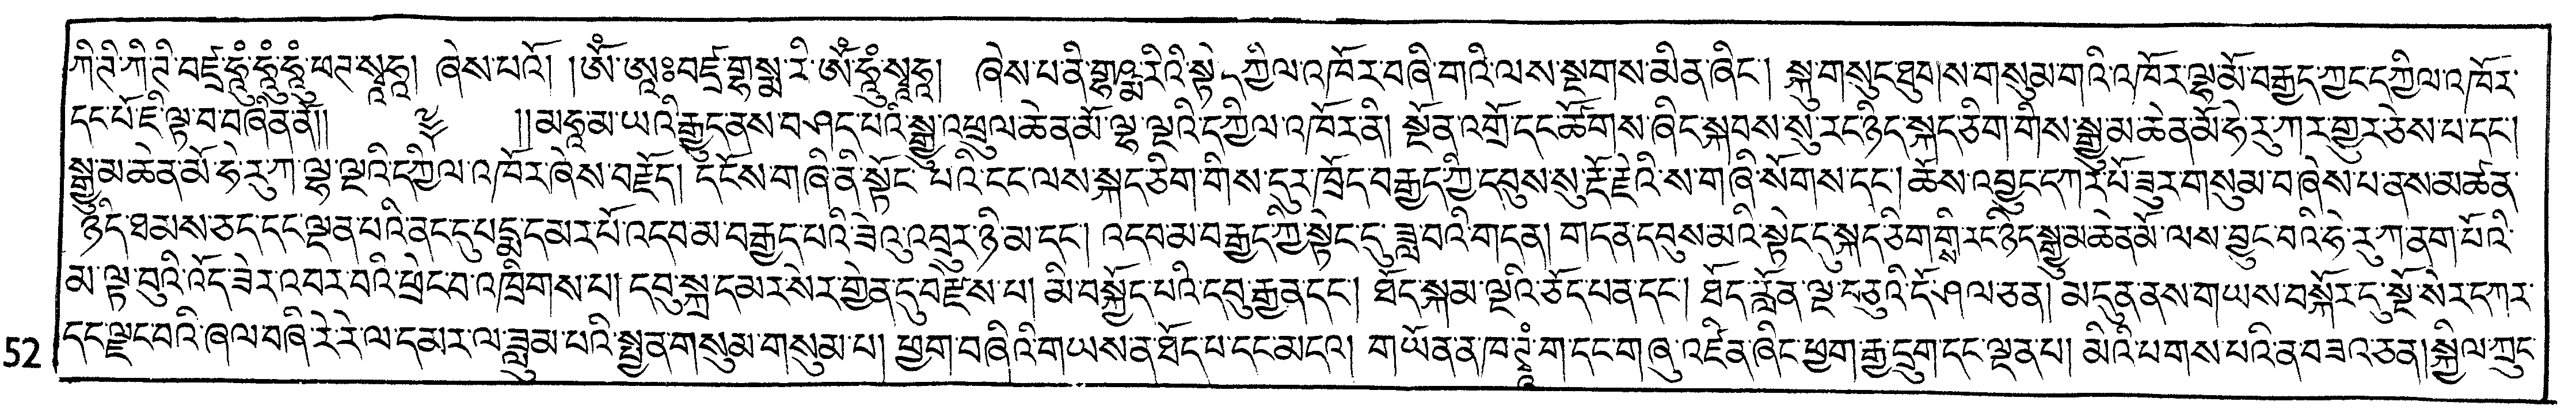ཀི་ཊི་ཀི་ཊི་བཛྲ་ཧཱུཾ་ཧཱུཾ་ཧཱུཾ་ཕཊ་སྭཱཧཱ། ཞེས་པའོ། །ཨོཾ་ཨཱཿ བཛྲ་གྷསྨ་རི་ཨོཾ་ཧཱུཾ་སྭཱཧཱ། ཞེས་པ་ནི་གྷ་ཥྨ་རིའི་སྟེ་དཀྱིལ་འཁོར་བཞི་གའི་ལས་སྔགས་མིན་ཞིང་། སྐུ་གསུང་ཐུགས་གསུམ་གའི་འཁོར་ལྷ་མོ་བརྒྱད་ཀྱང་དཀྱིལ་འཁོར་
དང་པོ་ཇི་ལྟ་བ་བཞིན་ནོ།། ༈ །།མཧཱ་མ་ཡའི་རྒྱུད་ནས་བཤད་པའི་སྒྱུ་འཕྲུལ་ཆེན་མོ་ལྷ་ལྔའི་དཀྱིལ་འཁོར་ནི། སྔོན་འགྲོ་དང་ཚོགས་ཞིང་སྐབས་སུ་རང་ཉིད་སྐད་ཅིག་གིས་སྒྱུ་མ་ཆེན་མོ་ཧེ་རུ་ཀར་གྱུར་ཅེས་པ་དང་།
སྒྱུ་མ་ཆེན་མོ་ཧེ་རུ་ཀ་ལྷ་ལྔའི་དཀྱིལ་འཁོར་ཞེས་བརྗོད། དངོས་གཞི་ནི་སྟོང་པའི་ངང་ལས་སྐད་ཅིག་གིས་དུར་ཁྲོད་བརྒྱད་ཀྱི་དབུས་སུ་རྡོ་རྗེའི་ས་གཞི་སོགས་དང་། ཆོས་འབྱུང་དཀར་པོ་ཟུར་གསུམ་པ་ཞེས་པ་ནས་མཚན་
ཉིད་ཐམས་ཅད་དང་ལྡན་པའི་ནང་དུ་པདམ་དམར་པོ་འདབ་མ་བརྒྱད་པའི་ཟེའུ་འབྲུར་ཉི་མ་དང་། འདབ་མ་བརྒྱད་ཀྱི་སྟེང་དུ་ཟླ་བའི་གདན། གདན་དབུས་མའི་སྟེང་དུ་སྐད་ཅིག་གིས་རང་ཉིད་སྒྱུ་མ་ཆེན་མོ་ལས་བྱུང་བའི་ཧེ་རུ་ཀ་ནག་པོའི་
མ་ལྟ་བུའི་འོད་ཟེར་འབར་བའི་ཕྲེང་བ་འཁྲིགས་པ། དབུ་སྐྲ་དམར་སེར་གྱེན་དུ་བརྫེས་པ། མི་བསྐྱོད་པའི་དབུ་རྒྱན་དང་། ཐོད་སྐམ་ལྔའི་ཅོད་པན་དང་། ཐོད་རློན་ལྔ་བཅུའི་དོ་ཤལ་ཅན། མདུན་ནས་གཡས་བསྐོར་དུ་སྔོ་སེར་དཀར་
དང་ལྗང་བའི་ཞལ་བཞི་རེ་རེ་ལ་དམར་ལ་ཟླུམ་པའི་སྤྱན་གསུམ་གསུམ་པ། ཕྱག་བཞིའི་གཡས་ན་ཐོད་པ་དང་མདའ། གཡོན་ན་ཁ་ཊྭཱཾ་ག་དང་གཞུ་འཛིན་ཞིང་ཕྱག་རྒྱ་དྲུག་དང་ལྡན་པ། མིའི་པགས་པའི་ན་བཟའ་ཅན། སྐྱིལ་ཀྲུང་